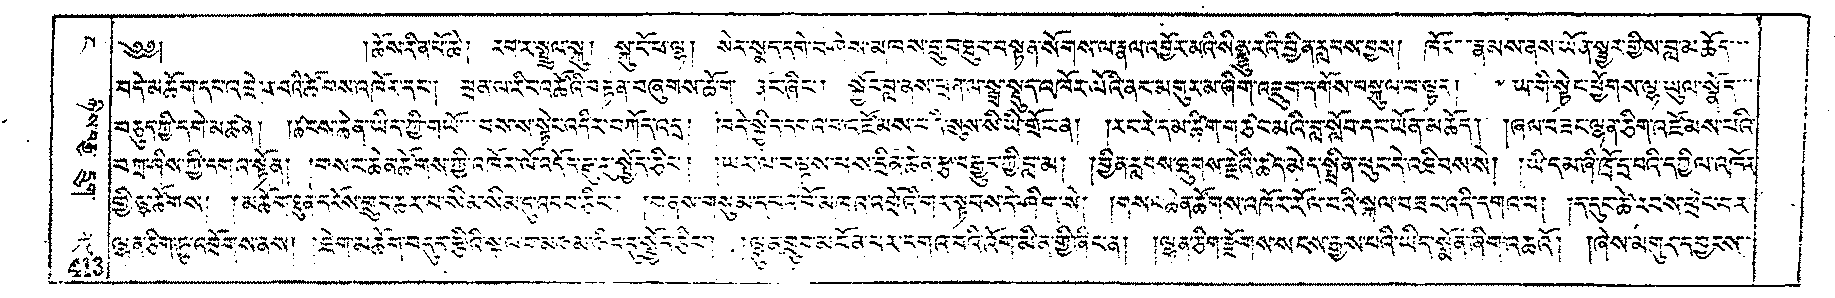༄༅། །ཆོས་རིན་པོ་ཆེ། རག་ར་སྤྲུལ་སྐུ། སྐུ་ངོ་ཕ་ལྷ། སེར་སྨད་དགེ་བཤེས་མཁས་གྲུབ་ཐུབ་བསྟན་སོགས་ལ་རྣལ་འབྱོར་མའི་སིནྡྷུ་རའི་བྱིན་རླབས་བྱས། ཁོངས་རྣམས་ནས་ཡོན་སྦྱར་གྱིས་བླ་མཆོད་
བདེ་མཆོག་དང་འབྲེལ་བའི་ཚོགས་འཁོར་དང་། ཕྲན་ལ་རིང་འཚོའི་བརྟན་བཞུགས་ཆོ་ག་ནང་ཞིང་། སྐྱོང་བླ་ནས་ཕྲན་ལ་སྒྲ་སྡུད་འཁོར་ལོའི་ནང་མགུར་མ་ཞིག་འཇུག་དགོས་བསྐུལ་བ་ལྟར། ༧་ཡ་གི་སྟེང་ཕྱོགས་ལྷ་ཡུལ་སྣོད་
བཅུད་ཀྱི་དགེ་མཚན། །ཚངས་ཆེན་ཡིད་ཀྱི་གཡོ་བས་ས་སྟེང་འདིར་བཀོད་འདྲ། །བདེ་སྐྱིད་དགའ་བ་འཛོམས་པའི་སུས་སི་ཡི་གྲོང་ན། །རང་རེ་དམ་ཚིག་གཙང་མའི་བླ་སློབ་དང་ཡོན་མཆོད། །ཞལ་བཟང་ལྷན་ཅིག་འཛོམས་པའི་
བཀྲ་ཤིས་ཀྱི་དགའ་སྟོན། །གསང་ཆེན་ཚོགས་ཀྱི་འཁོར་ལོ་འདོད་རྒུ་རུ་སྤྱོད་ཅིང་། །ཡར་ལ་བལྟས་པས་དྲིན་ཆེན་རྩ་བརྒྱུད་ཀྱི་བླ་མ། །བྱིན་རླབས་ཐུགས་རྗེའི་ཚད་མེད་སྤྲིན་ཕུང་དེ་འཐིབས་སེ། །ཡི་དམ་ཞི་ཁྲོ་དྲ་བའི་དཀྱིལ་འཁོར་
གྱི་ལྷ་ཚོགས། །མཆོག་ཐུན་དངོས་གྲུབ་ཆར་པ་སིམ་སིམ་དུ་འབབ་ཅིང་། །གནས་གསུམ་དཔའ་བོ་མཁའ་འགྲོའི་གར་སྟབས་དེ་ཤིག་སེ། །གསང་ཆེན་ཚོགས་འཁོར་རོལ་བའི་སྐལ་བཟང་འདི་དགའ་བ། །ད་དུང་ཚེ་རབས་ཕྲེང་བར་
ལྷན་ཅིག་ཏུ་འགྲོགས་ནས། །ཐེག་མཆོག་བདུད་རྩིའི་སྐལ་བ་མཉམ་ཉིད་དུ་སྤྱོད་ཅིང་། །ལྷུན་གྲུབ་མངོན་པར་དགའ་བའི་འོག་མིན་གྱི་ཞིང་ན། །ལྷན་ཅིག་རྫོགས་སངས་རྒྱས་པའི་ཡིད་སྨོན་ཞིག་འཆའོ། །ཞེས་མགུར་དབྱངས་